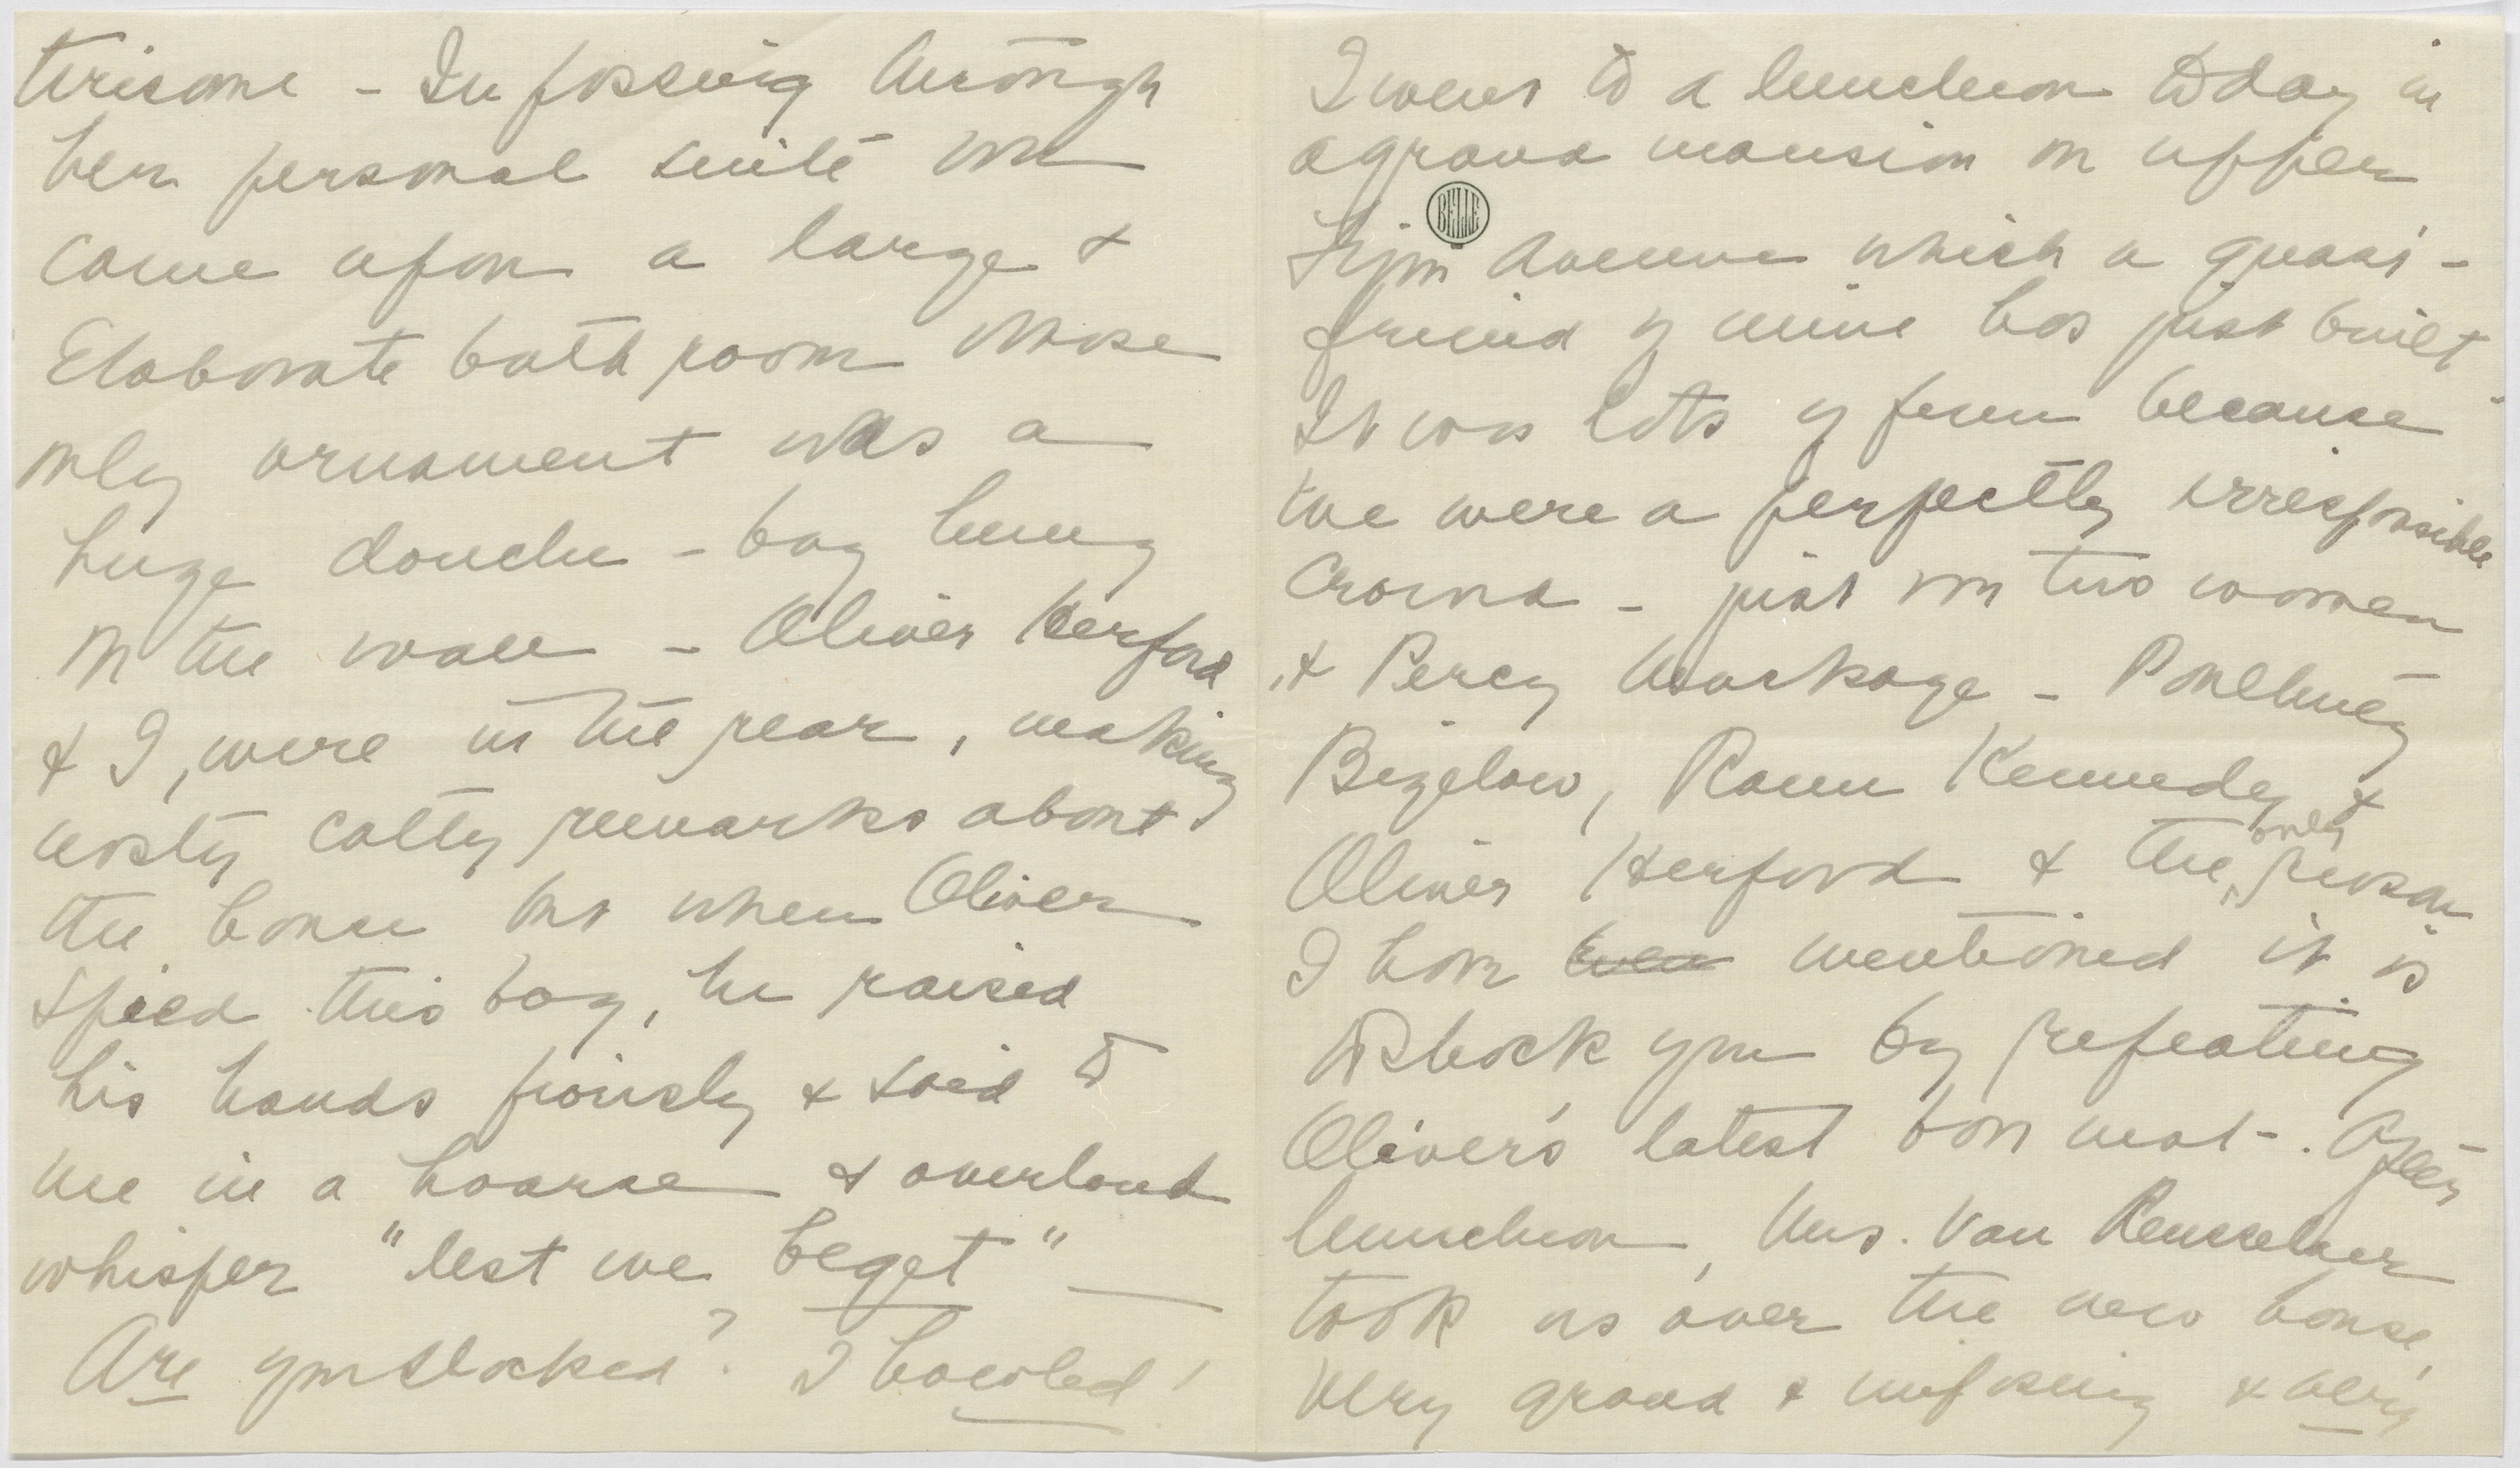I went to a luncheon today in a grand mansion on upper Fifth Avenue which a quasi-friend of mine has just built. It was lots of fun because we were a perfectly irresponsible crowd – just we two women & Percy Mackaye – Poultney Bigelow, Rann Kennedy & Oliver Herford & the [^only^] reason I have even mentioned it is to shock you by repeating Oliver’s latest bon mot. After luncheon, Mrs. Van Rensselaer took us over the new house, very grand & imposing & very
tiresome – In passing through her personal suite we came upon a large & elaborate bath room whose only ornament was a huge douche-bag hung on the wall – Oliver Herford & I, were in the rear, making nasty catty remarks about the house but when Oliver spied this bag, he raised his hands piously & said to me in a hoarse & overloud whisper “lest we beget” –
Are you shocked? I howled!